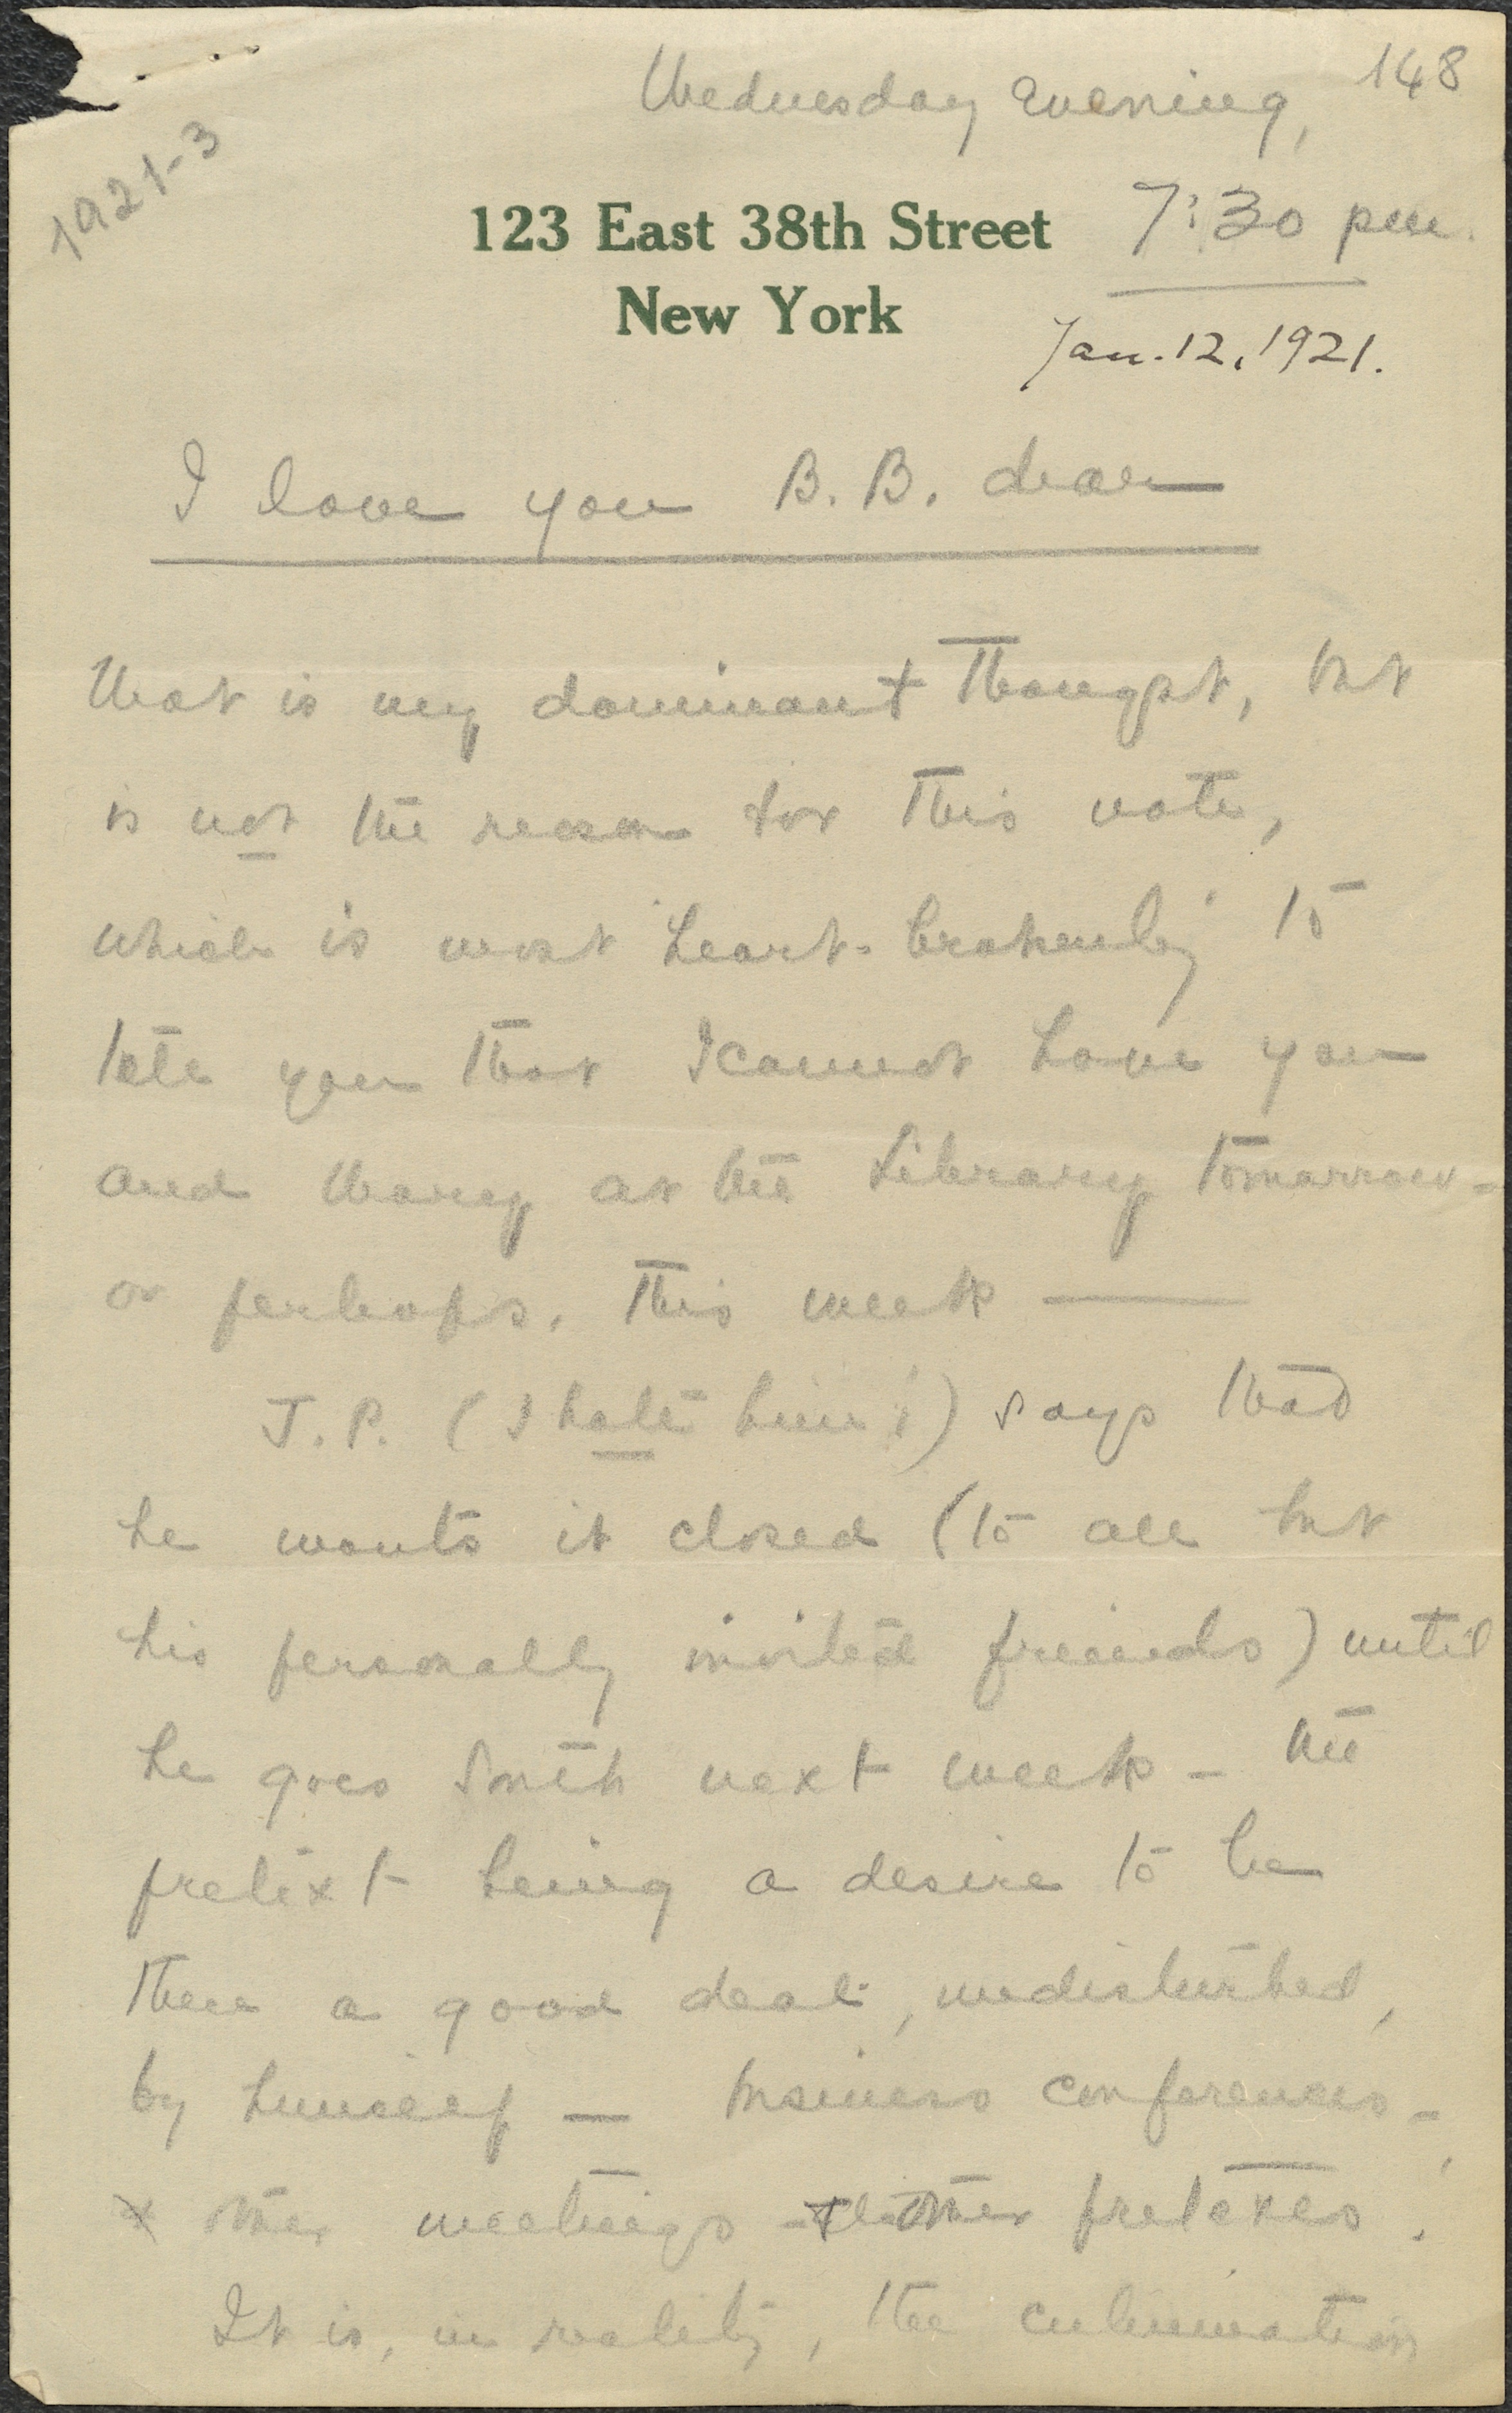Wednesday Evening,
7:30 pm.
[In pen: Jan. 12, 1921]
I love you B.B. dear
That is my dominant thought, but is not the reason for this note, which is most heart-brokenly to tell you that I cannot have you and Mary at the Library tomorrow – or perhaps, this week –
J.P. (I hate him!) says that he wants it closed (to all but his personally invited friends) until he goes South next week – the pretext being a desire to be there a good deal, undisturbed, by himself – business conferences – & other meetings & other pretexts!
It is, in reality, the culmination